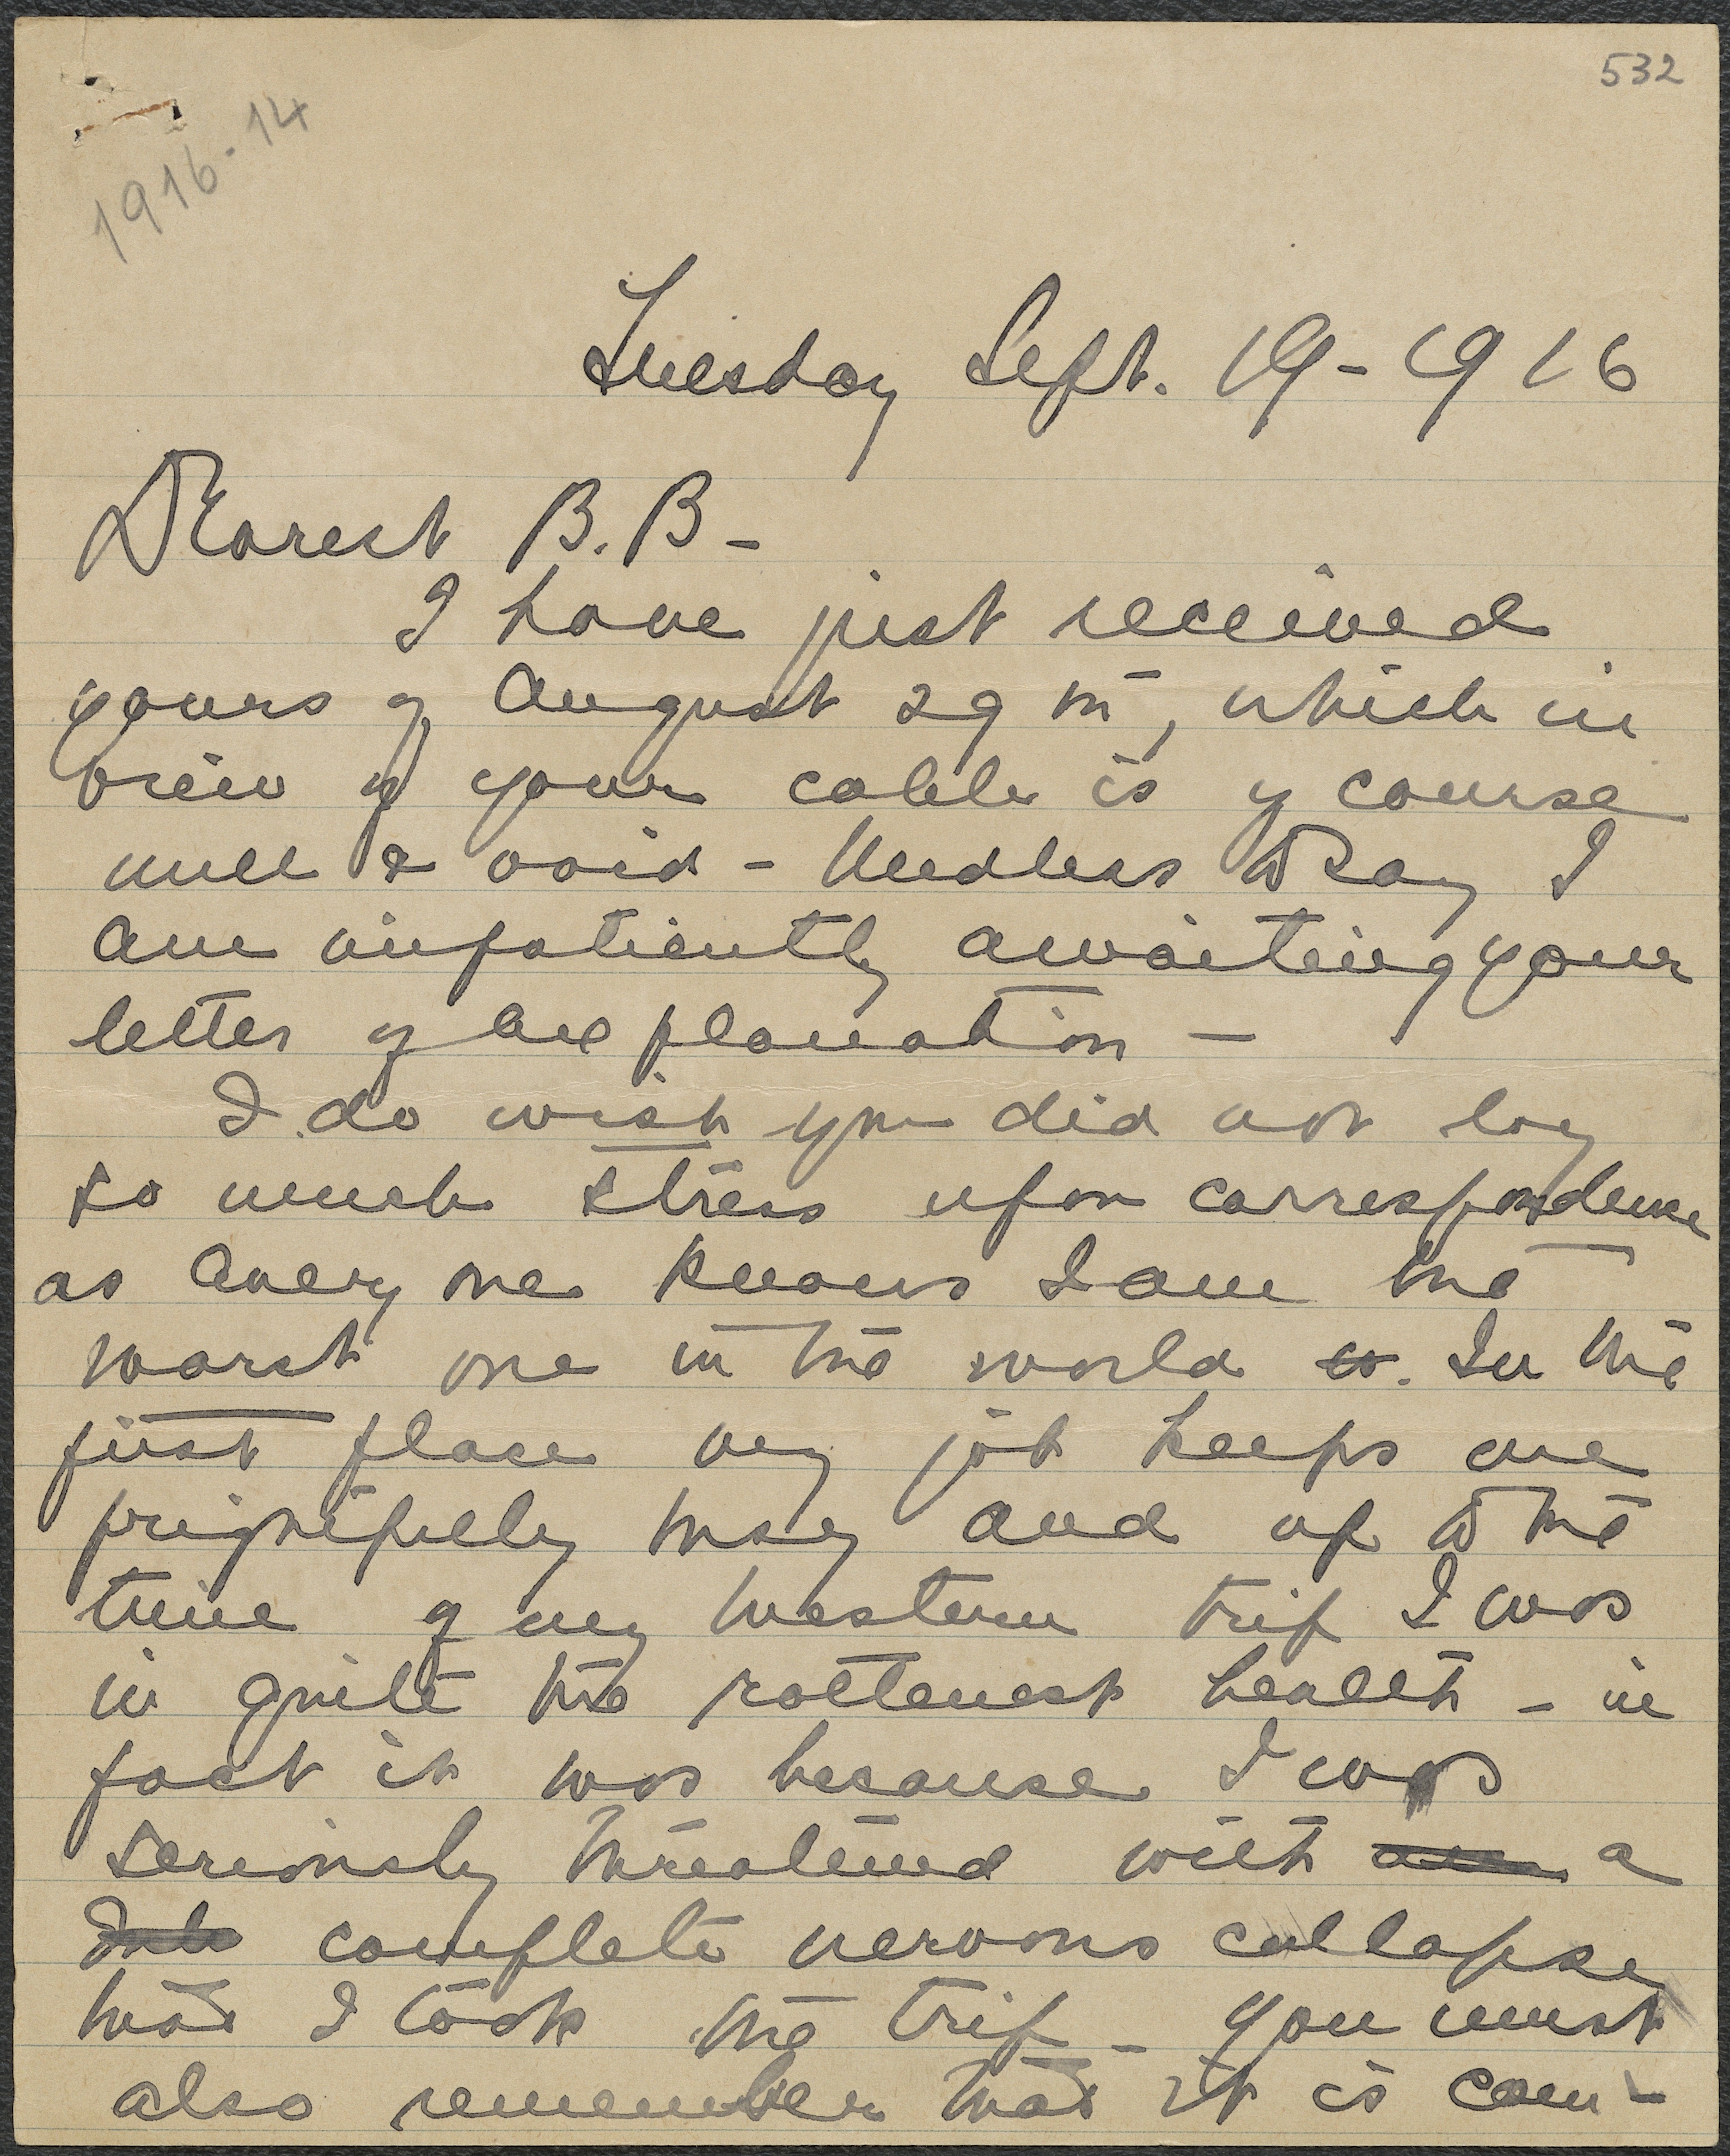Tuesday, Sept. 19 – 1916
Dearest B. B –
I have just received yours of August 29th, which in view of your cable is of course null & void – needless to say I am impatiently awaiting you letter of explanation –
I do wish you did not lay so much stress upon correspondence as everyone knows I am the worst one in the world co. In the first place my job keeps me frightfully busy and up to the time of my Western trip I was in quite the rottenest health – in fact it was because I was seriously threatened with an a [illegible deletion] complete nervous collapse that I took the trip – you must also remember that it is